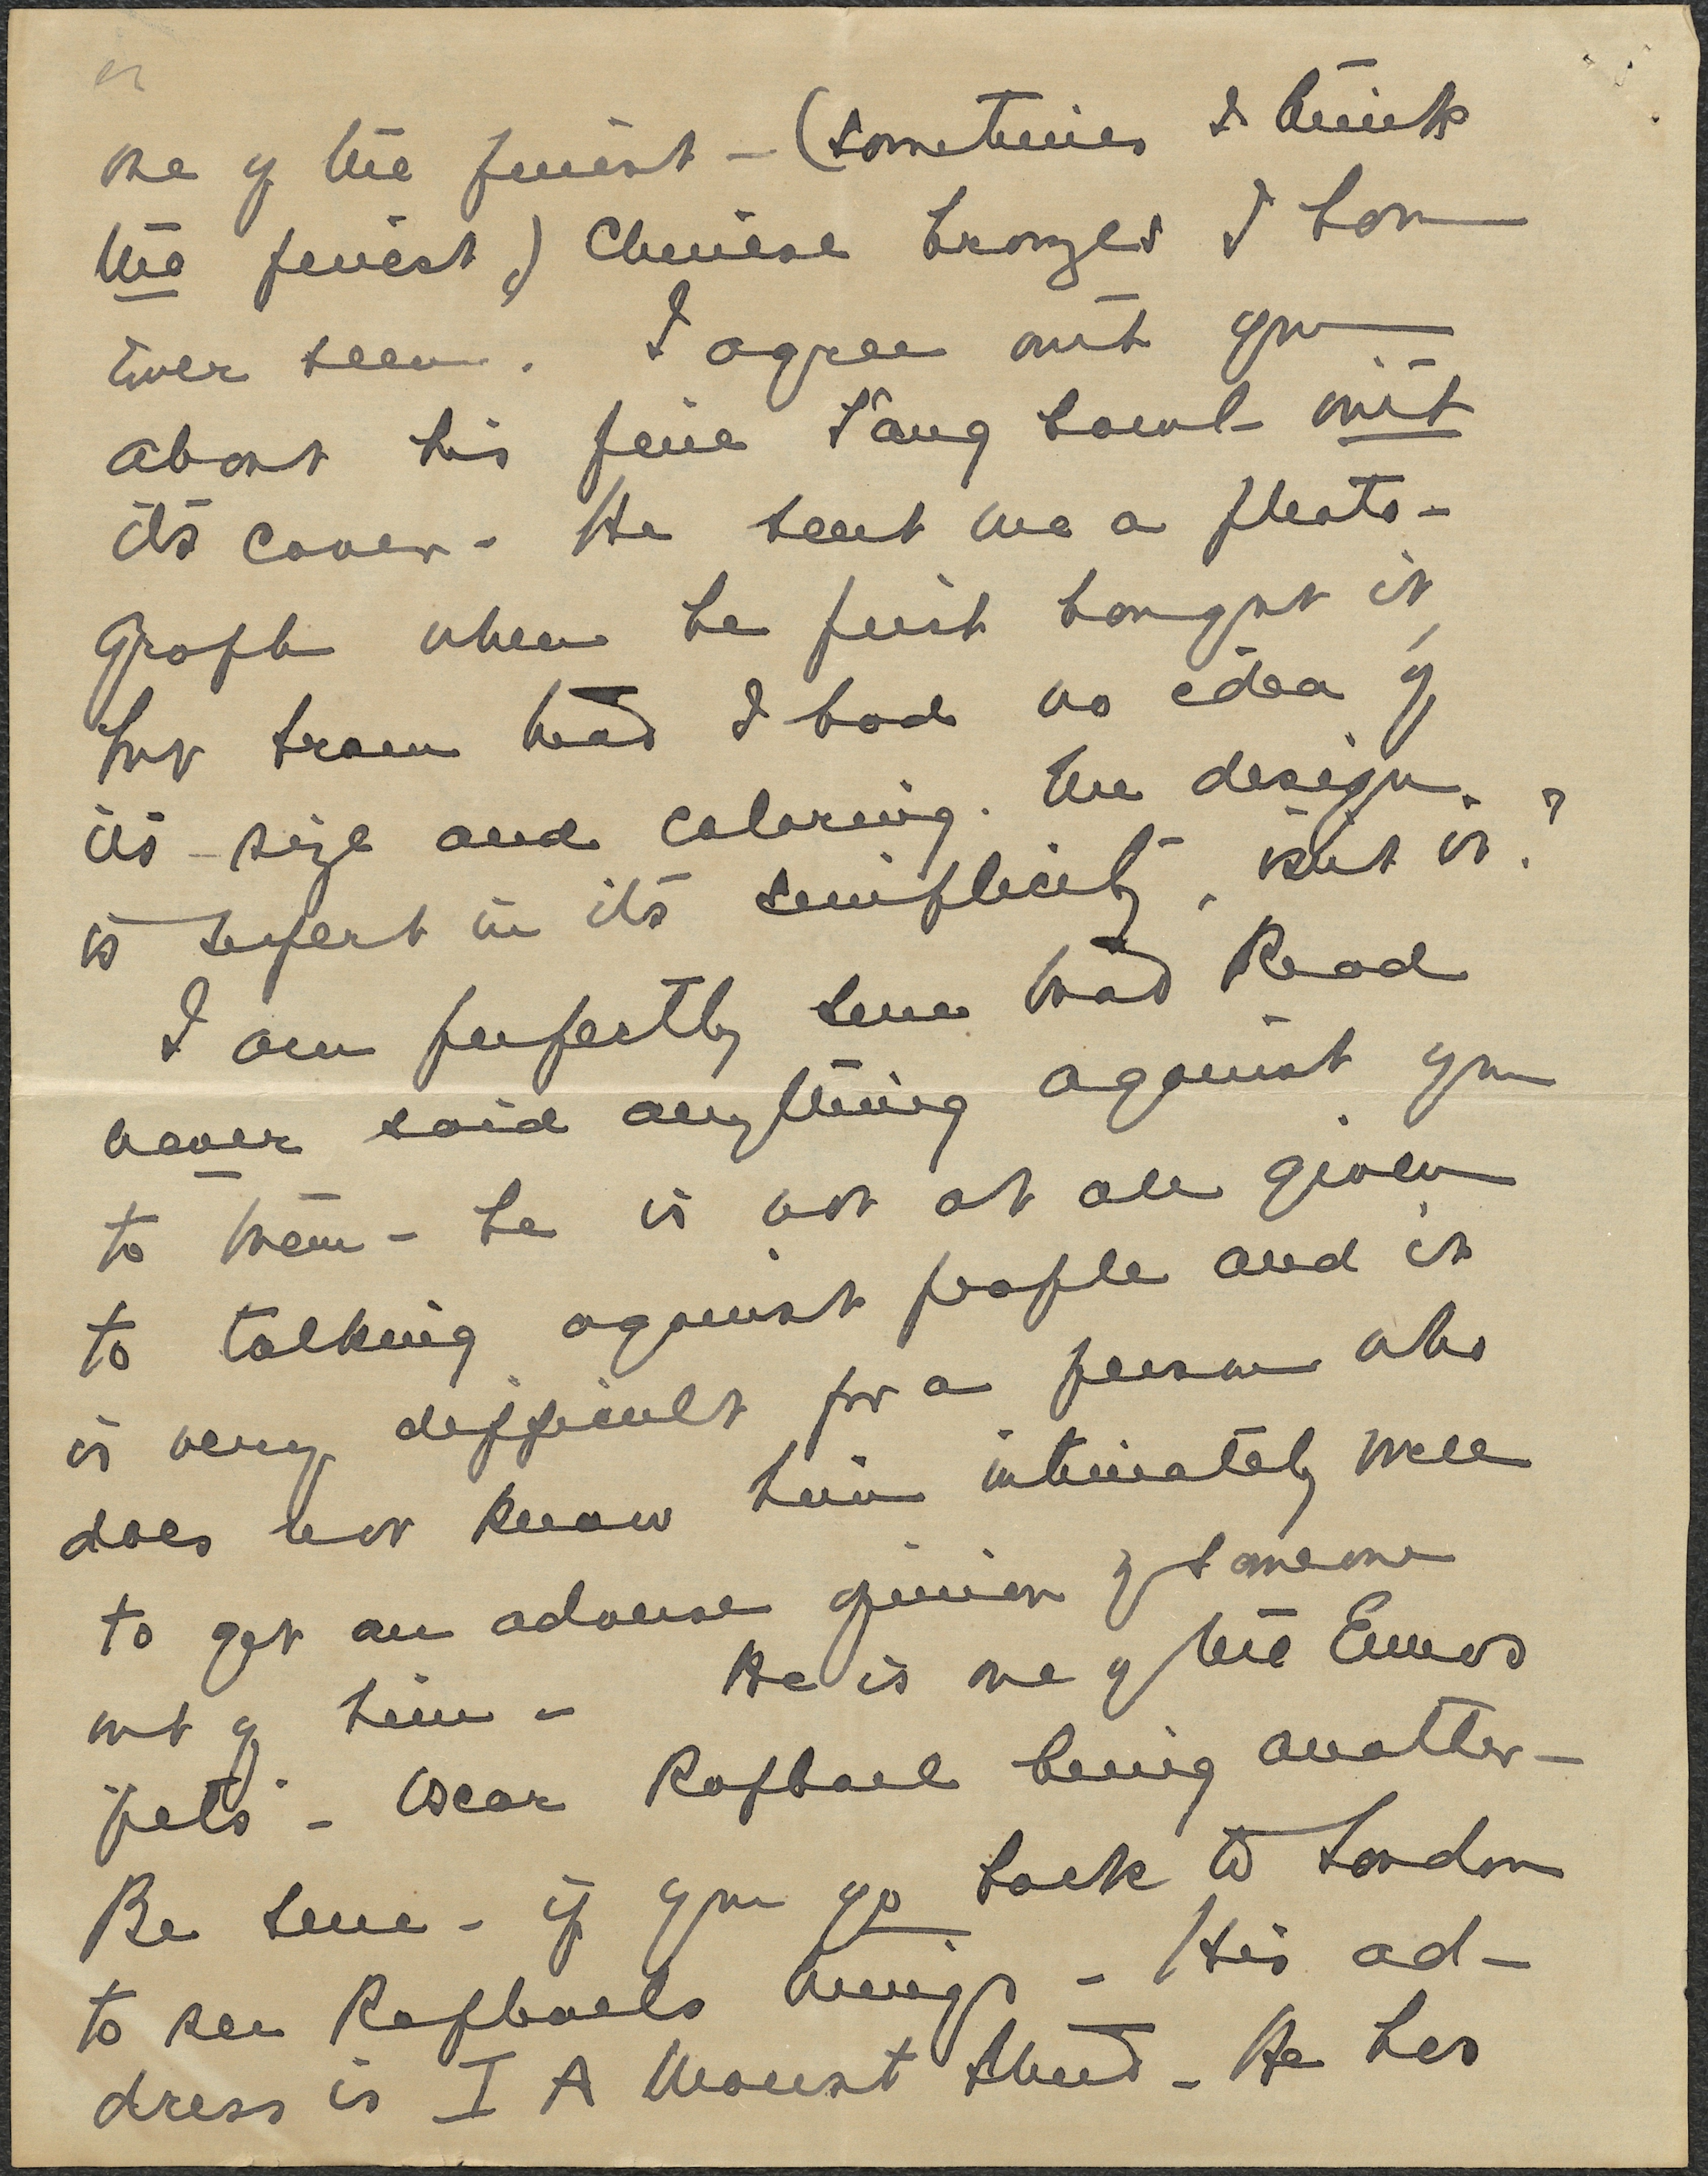one of the finest – (sometimes I think the finest) Chinese bronzes I have ever seen. I agree with you about his fine T'ang bowl – with its cover – He sent me a photograph when he first bought it, but from that I had no idea of its size and coloring. The design is expert in its simplicity, isn’t it?
I am perfectly sure that Read never said anything against you to them – he is not at all given to talking against people and it is very difficult for a person who does not know him intimately well to get an adverse opinion of someone out of him – He is one of the Eumos "pets" – Dear Raphael being another – Be sure – if you go back to London to see Raphael's things – His address is IA Mount Street – He has